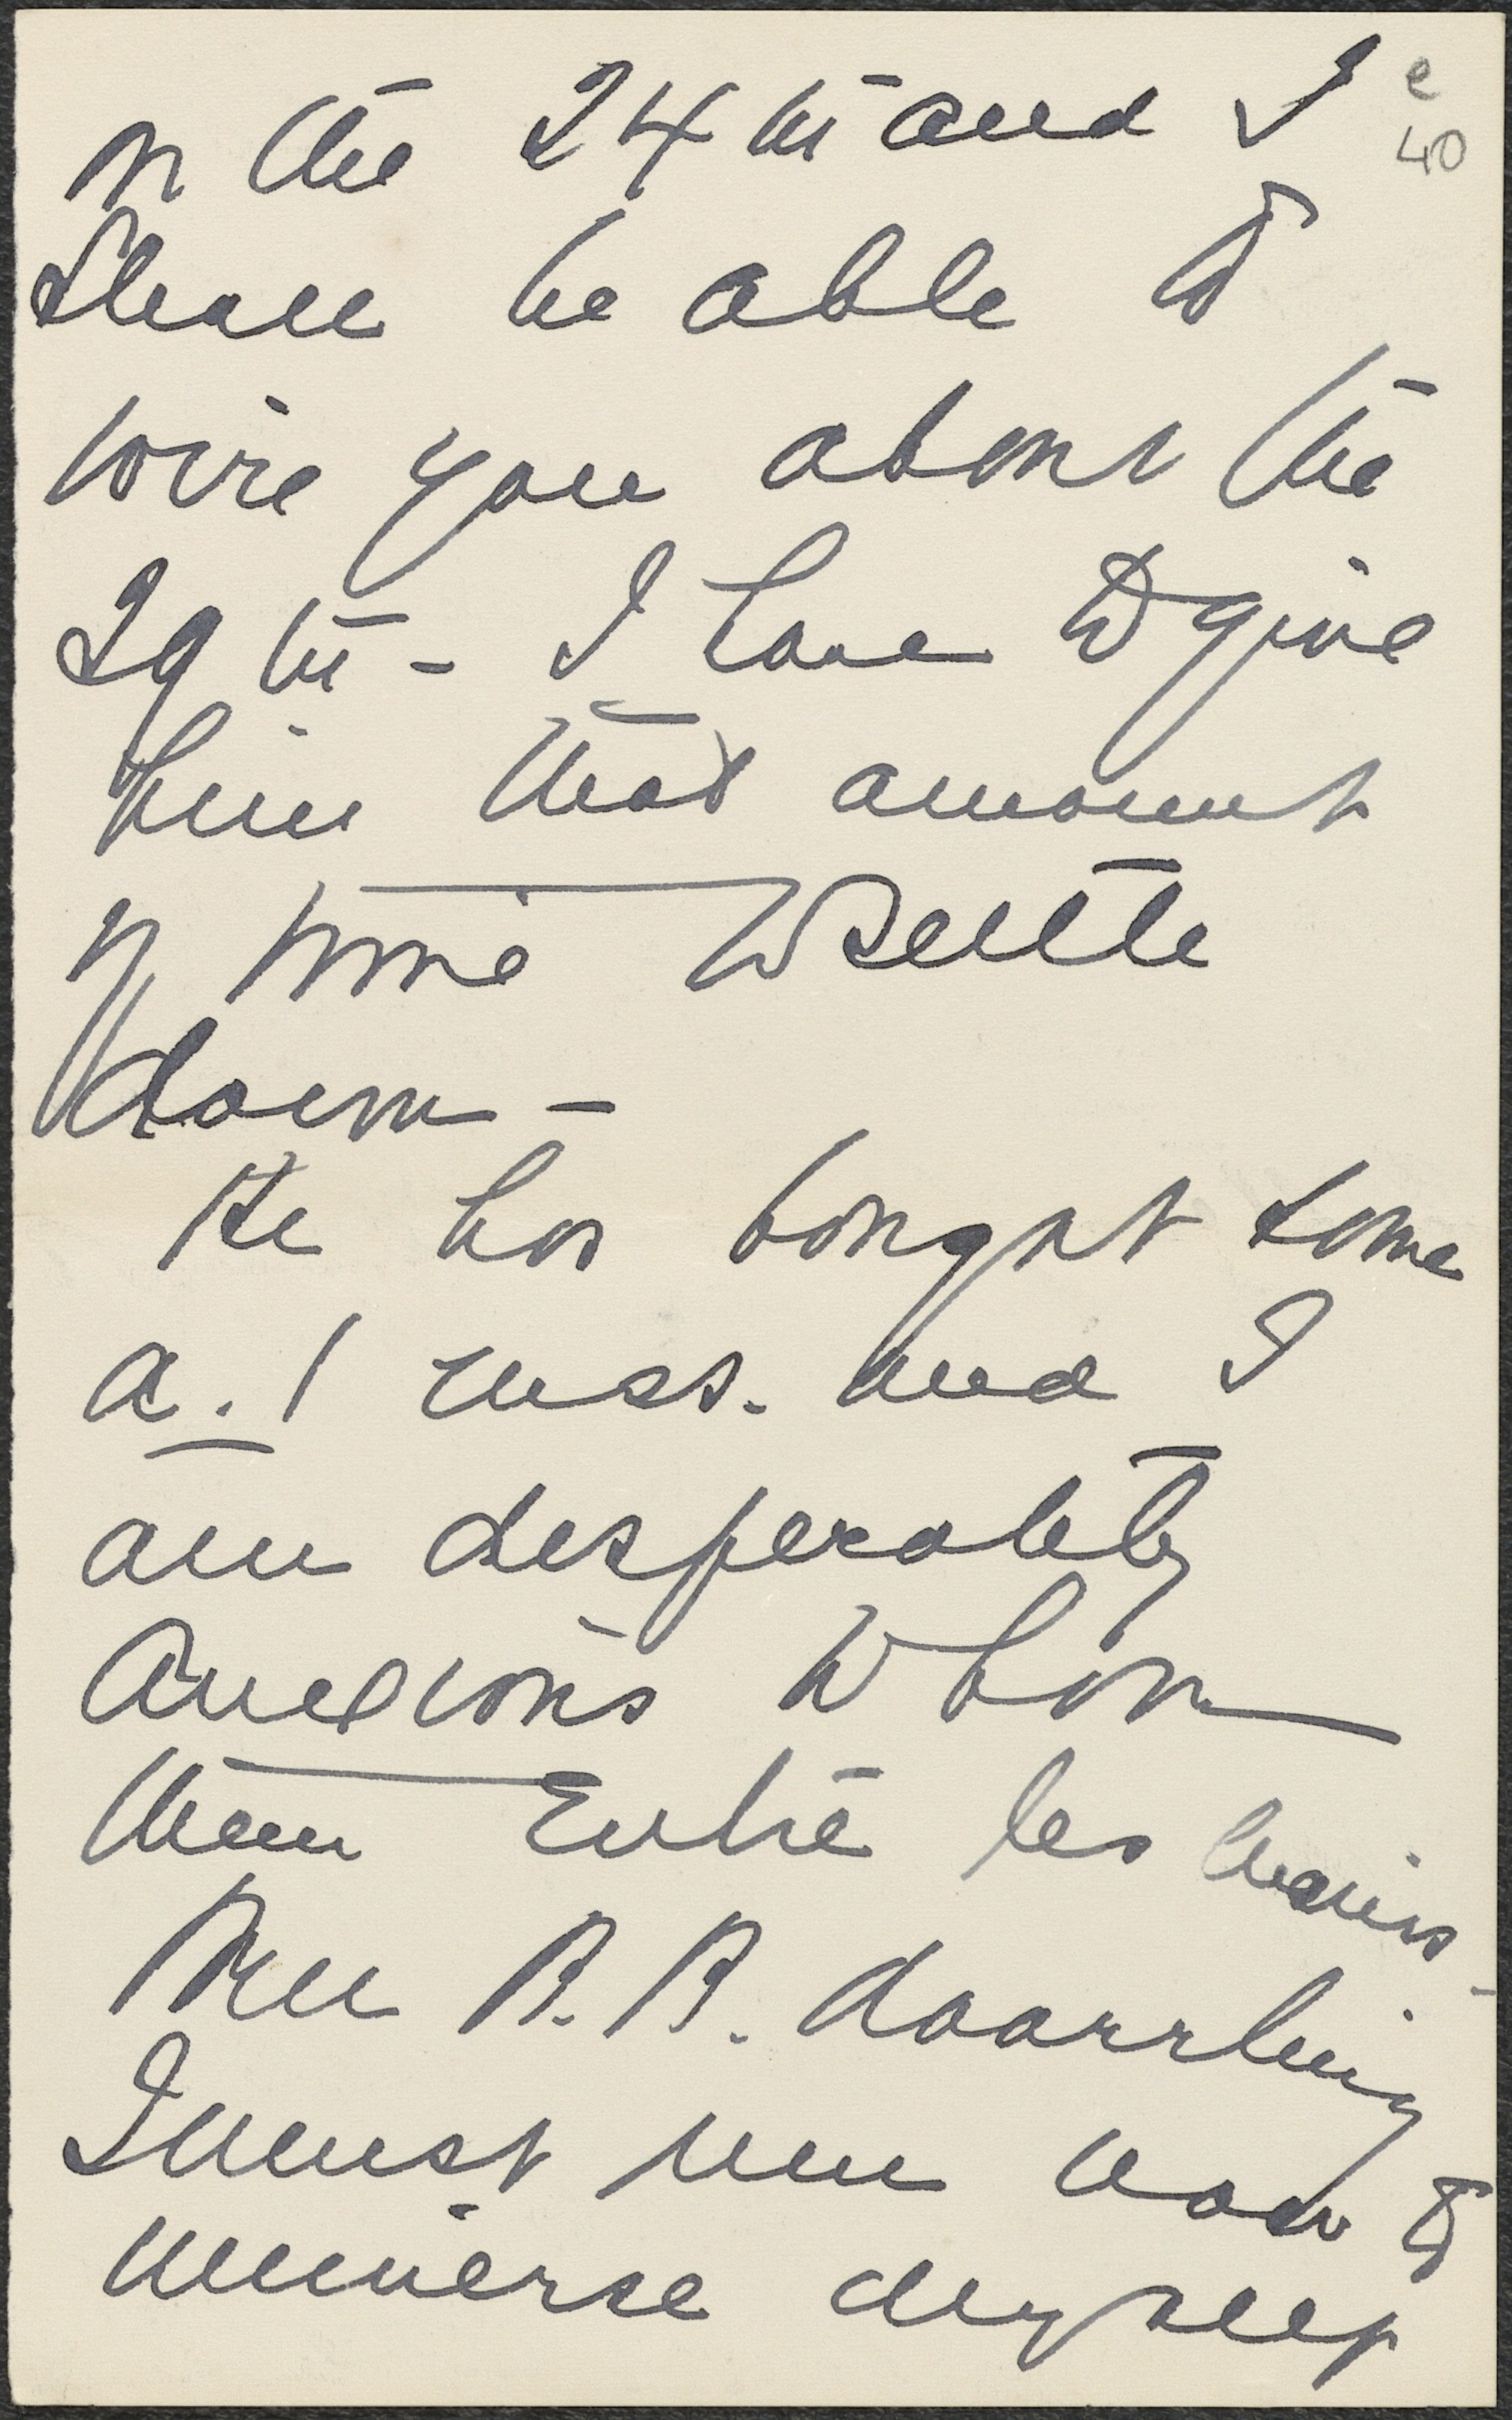on the 24th and I shall be able to wire you about the 29th – I have to give him that amount of time to settle down –
He has bought some A.1 mss. and I am desperately anxious to have them entre les mains – Well B. B. daarrling I must run now to immerse myself